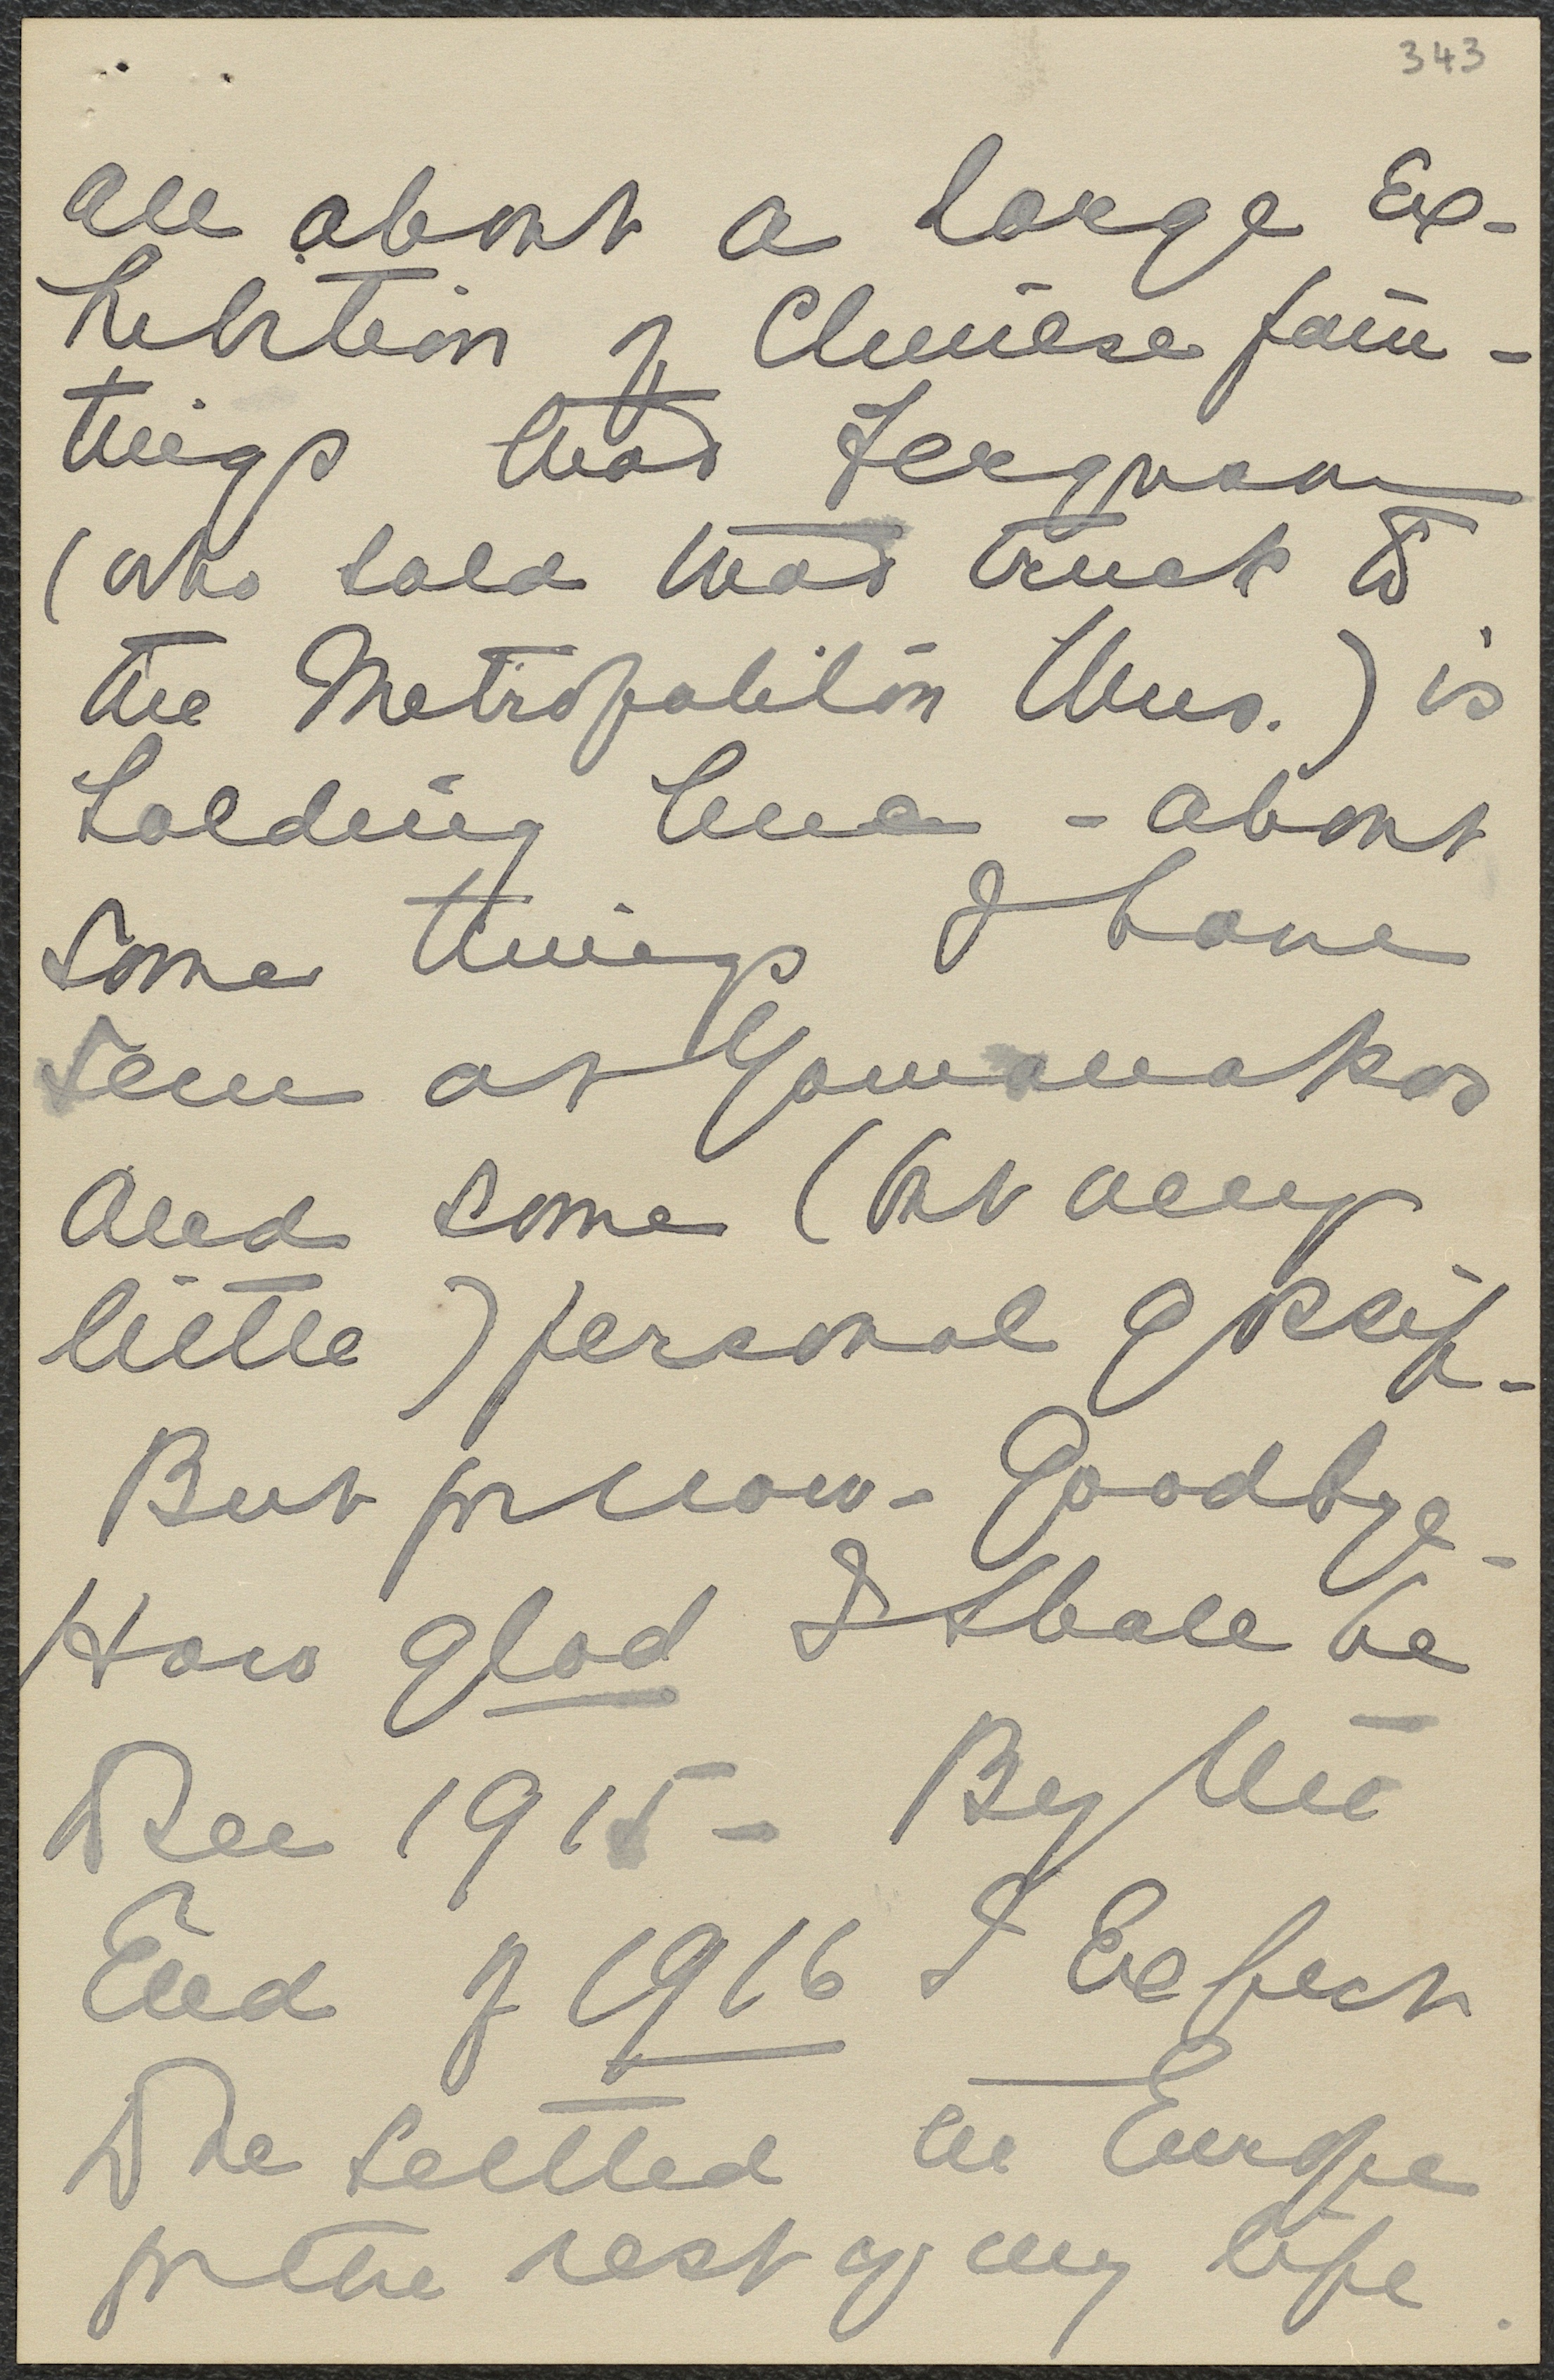all about a large exhibition of Chinese paintings that Ferguson (who sold that truck to the Metropolitan Mus.) is holding here – about some things I have seen at Yamanakas and some (but very little) personal gossip – But for now – Goodbye – How glad I shall be to see 1915 – By the end of 1916 I expect to be settled in Europe for the rest of my life.